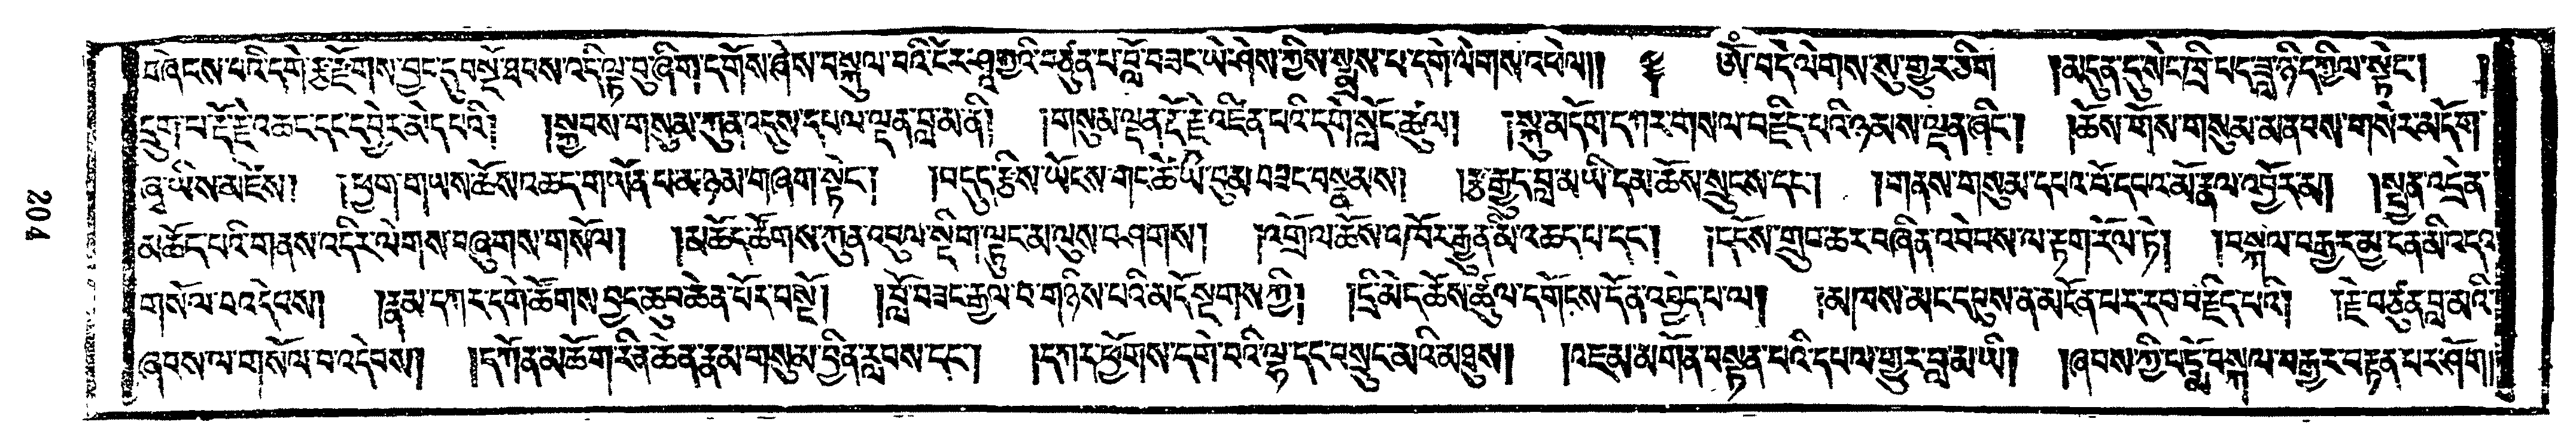བཞེངས་པའི་དགེ་རྩ་རྫོགས་བྱང་དུ་བསྔོ་ཐབས་འདི་ལྟ་བུ་ཞིག་དགོས་ཞེས་བསྐུལ་བའི་ངོར་ཤཱཀྱའི་བཙུན་པ་བློ་བཟང་ཡེ་ཤེས་ཀྱིས་སྨྲས་པ་དགེ་ལེགས་འཕེལ།། ༈ ཨོཾ་བདེ་ལེགས་སུ་གྱུར་ཅིག །མདུན་དུ་སེང་ཁྲི་པད་ཟླ་ཉི་དཀྱིལ་སྟེང་། །
དྲུག་པ་རྡོ་རྗེ་འཆང་དང་དབྱེར་མེད་པའི། །སྐྱབས་གསུམ་ཀུན་འདུས་དཔལ་ལྡན་བླ་མ་ནི། །གསུམ་ལྡན་རྡོ་རྗེ་འཛིན་པའི་དགེ་སློང་ཚུལ། །སྐུ་མདོག་དཀར་གསལ་བརྗིད་པའི་ཉམས་ལྡན་ཞིང་། །ཆོས་གོས་གསུམ་མནབས་གསེར་མདོག་
ཞྭ་ཡིས་མཛེས། །ཕྱག་གཡས་ཆོས་འཆད་གཡོན་པ་མཉམ་གཞག་སྟེང་། །བདུད་རྩིས་ཡོངས་གང་ཚེ་ཡྀ་བུམ་བཟང་བསྣམས། །རྩ་རྒྱུད་བླ་མ་ཡི་དམ་ཆོས་སྲུངས་དང་། །གནས་གསུམ་དཔའ་བོ་དཔའ་མོ་རྣལ་འབྱོར་མ། །སྤྱན་འདྲེན་
མཆོད་པའི་གནས་འདིར་ལེགས་བཞུགས་གསོལ། །མཆོད་ཚོགས་ཀུན་འབུལ་སྡིག་ལྟུང་མ་ལུས་བཤགས། །འགྲོ་ལ་ཆོས་འཁོར་རྒྱུན་མི་འཆད་པ་དང་། །དངོས་གྲུབ་ཆར་བཞིན་འབེབས་ལ་རྟག་རོལ་ཏེ། །བསྐལ་བརྒྱར་མྱ་ངན་མི་འདའ་
གསོལ་བ་འདེབས། །རྣམ་དཀར་དགེ་ཚོགས་བྱང་ཆུབ་ཆེན་པོར་བསྔོ། །བློ་བཟང་རྒྱལ་བ་གཉིས་པའི་མདོ་སྔགས་ཀྱི། །དྲི་མེད་ཆོས་ཚུལ་དགོངས་དོན་འབྱེད་པ་ལ། །མཁས་མང་དབུས་ན་མངོན་པར་རབ་བརྗིད་པའི། །རྗེ་བཙུན་བླ་མའི་
ཞབས་ལ་གསོལ་བ་འདེབས། །དཀོན་མཆོག་རིན་ཆེན་རྣམ་གསུམ་བྱིན་རླབས་དང་། །དཀར་ཕྱོགས་དགེ་བའི་ལྷ་དང་བསྲུང་མའི་མཐུས། །འཇམ་མགོན་བསྟན་པའི་དཔལ་གྱུར་བླ་མ་ཡི། །ཞབས་ཀྱི་པདམོ་བསྐལ་བརྒྱར་བརྟན་པར་ཤོག།